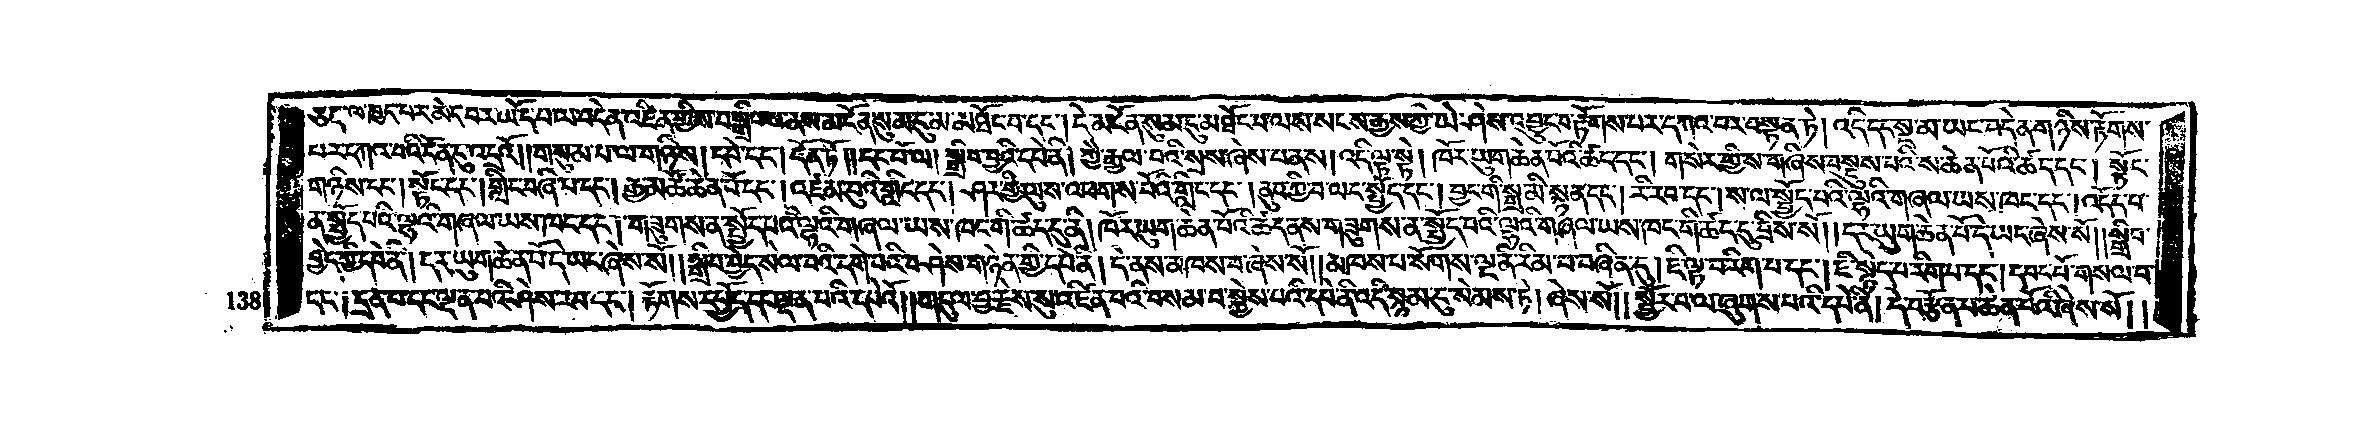ཅད་ལ་ཁྱད་པར་མེད་པར་ཡོད་པ་ལ་བདེན་འཛིན་གྱིས་བསྒྲིབས་ནས་མངོན་སུམ་དུ་མ་མཐོང་བ་དང་། དེ་མངོན་སུམ་དུ་མཐོང་བ་ལས་སངས་རྒྱས་ཀྱི་ཡེ་ཤེས་འབྱུང་བ་རྟོགས་པར་དཀའ་བར་བསྟན་ཏེ། འདི་དང་སྔ་མ་ཡང་བདེན་གཉིས་རྟོགས་
པར་དཀའ་བའི་དོན་དུ་འདྲའོ། །གསུམ་པ་ལ་གཉིས། དཔེ་དང་། དོན་ཏོ། །དང་པོ་ལ། སྒྲིབ་བྱའི་དཔེ་ནི། ཀྱཻ་རྒྱལ་བའི་སྲས་ཞེས་པ་ནས། འདི་ལྟ་སྟེ། ཁོར་ཡུག་ཆེན་པོའི་ཚད་དང་། གསེར་གྱི་ས་གཞིས་བསྡུས་པའི་ས་ཆེན་པོའི་ཚད་དང་། སྟོང་
གཉིས་དང་། སྟོང་དང་། གླིང་བཞི་པ་དང་། རྒྱ་མཚོ་ཆེན་པོ་དང་། འཛམ་བུའི་གླིང་དང་། ཤར་གྱི་ལུས་འཕགས་པོའི་གླིང་དང་། ནུབ་ཀྱི་བས་ལང་སྤྱོད་དང་། བྱང་གི་སྒྲ་མི་སྙན་དང་། རི་རབ་དང་། ས་ལ་སྤྱོད་པའི་ལྷའི་གཞལ་ཡས་ཁང་དང་། འདོད་པ་
ན་སྤྱོད་པའི་ལྷའི་གཞལ་ཡས་ཁང་དང་། གཟུགས་ན་སྤྱོད་པའི་ལྷའི་གཞལ་ཡས་ཁང་གི་ཚད་དུ་ནི། ཁོར་ཡུག་ཆེན་པོའི་ཚད་ནས་གཟུགས་ན་སྤྱོད་པའི་ལྷའི་གཞལ་ཡས་ཁང་གི་ཚད་དུ་བྲིས་སོ། །དར་ཡུག་ཆེན་པོ་དེ་ཡང་ཞེས་སོ། །སྒྲིབ་
བྱེད་ཀྱི་དཔེ་ནི། དར་ཡུག་ཆེན་པོ་དེ་ཡང་ཞེས་སོ། །སྒྲིབ་བྱེད་སེལ་བའི་དགེ་བའི་བཤེས་གཉེན་གྱི་དཔེ་ནི། དེ་ནས་མཁས་པ་ཞེས་སོ། །མཁས་པ་སོགས་ལྔ་ནི་རིམ་པ་བཞིན་དུ། ཇི་ལྟ་བས་རིག་པ་དང་། ཇི་སྙེད་པ་རིག་པ་དང་། དབང་པོ་གསལ་བ་
དང༑ དྲན་པ་དང་ལྡན་པའི་ཤེས་རབ་དང་། རྟོགས་དཔྱོད་དང་ལྡན་པའི་དཔེའོ། །གདུལ་བྱ་རྗེས་སུ་འཛིན་པའི་བསམ་པ་སྐྱེས་པའི་དཔེ་ནི་འདི་སྙམ་དུ་སེམས་ཏེ། ཞེས་སོ། །སྦྱོར་བ་ལ་ཞུགས་པའི་དཔེ་ནི། དེ་བརྩོན་པ་ཆེན་པོའི་ཞེས་སོ། །